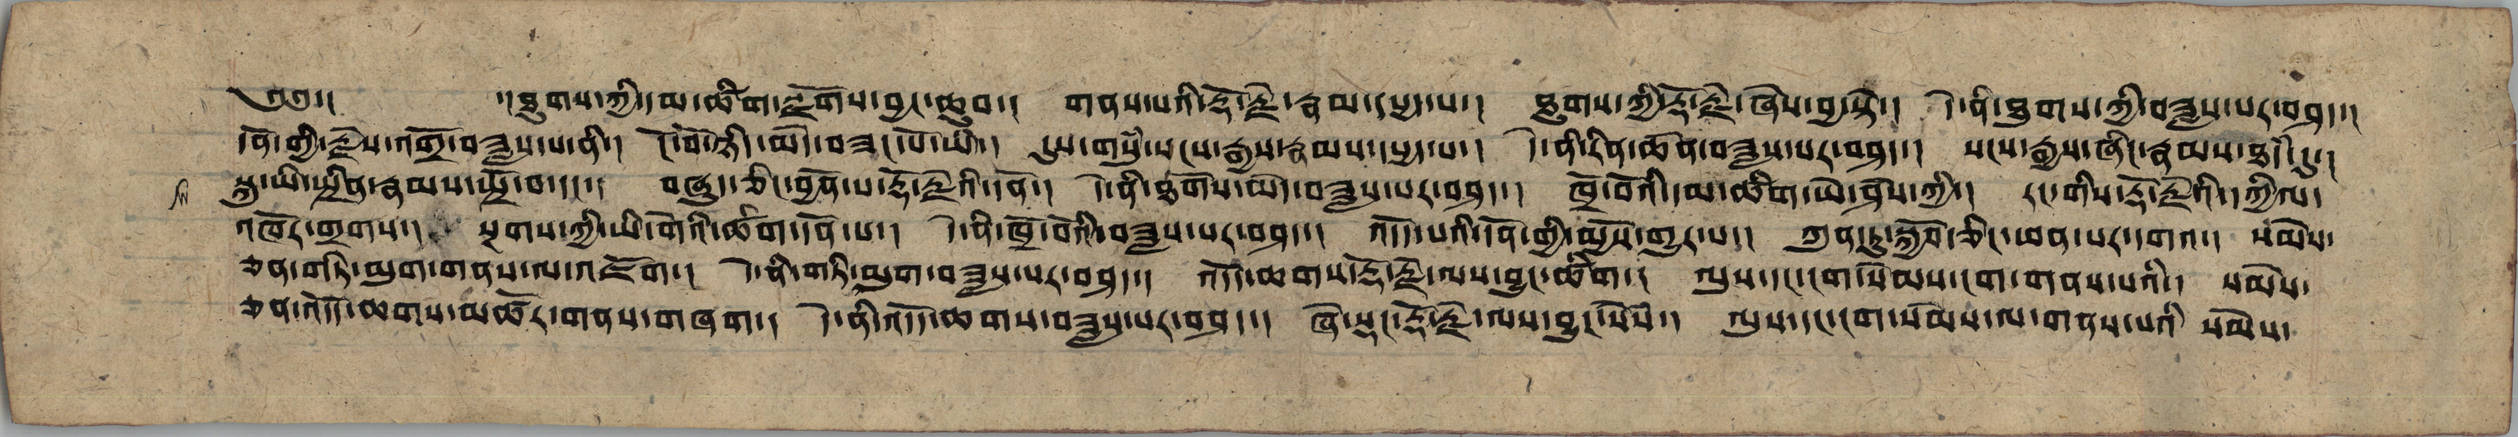༄༅་། ་།ཐུགས་ཀྱི་དམ་ཚིག་སྫོགས་བྱང་ཆུབ་། གནས་པའི་རྡོ་རྗེ་རྣམ་དཔྱད་པ་། ཐུགས་ཀྱི་རྡོ་རྗེ་ཞེས་བྱ་སྟེ་། དེ་ནི་ཐུགས་ཀྱི་བཟླས་པར་བཤད་།
དོན་གྱི་རྗེས་འགྲོ་བཟླས་པ་ནི་། ངོ་བོ་ཉིད་མེད་བཟང་པོ་ཡི་། དུས་གསུཾ་སངས་རྒྱས་རྣམས་དཔྱད་པ་། དེ་ནི་རིན་ཆེན་བཟླས་པར་བཤད་། སངས་རྒྱས་ཞིང་རྣམས་ཐཾད་དུ་།
སྐུ་ཡི་སྤྲིན་རྣམས་སྤྲོ་བ་དང་། བཞུད་ཅིང་བྱོན་པ་རྡོ་རྗེའི་དོན་། དེ་ནི་ཐོགས་མེད་བཟླས་པར་བཤད་། ཁྲོ་བོའི་དམ་ཚིག་ཡེ་ཤེས་ཀྱི་། རང་གི་རྡོ་རྗེའི་དཀྱིལ་
འཁོར་གྲགས་། སྔགས་ཀྱི་ཡི་གེའི་ཚག་དོན་པ་། དེ་ནི་ཁྲོ་བོའི་བཟླས་པར་བཤད་། འདོད་པའི་དོན་གྱི་མྱོས་གྱུར་པ་། ཀུན་ཏུ་སྐྱོབ་ཅིང་ཕན་པར་དགའ་། སེམས་
ཅན་གཏི་མུག་གནས་ལ་འཇོག་། དེ་ནི་གཏི་མུག་བཟླས་པར་བཤད་། འདོད་ཆགས་རྡོ་རྗེ་ལས་བྱུང་ཚིག་། ལུས་དང་ངག་སེམས་ངག་གནས་པའི་། སེམས་
ཅན་འདོད་ཆགས་མཚར་གནས་གཞག་། དེ་ནི་འདོད་ཆགས་བཟླས་པར་བཤད་། ཞེ་སྡང་རྡོ་རྗེ་ལས་བྱུང་སེསཾ་། ལུས་དང་ངག་སེམས་ལ་གནས་པའི སེམས་